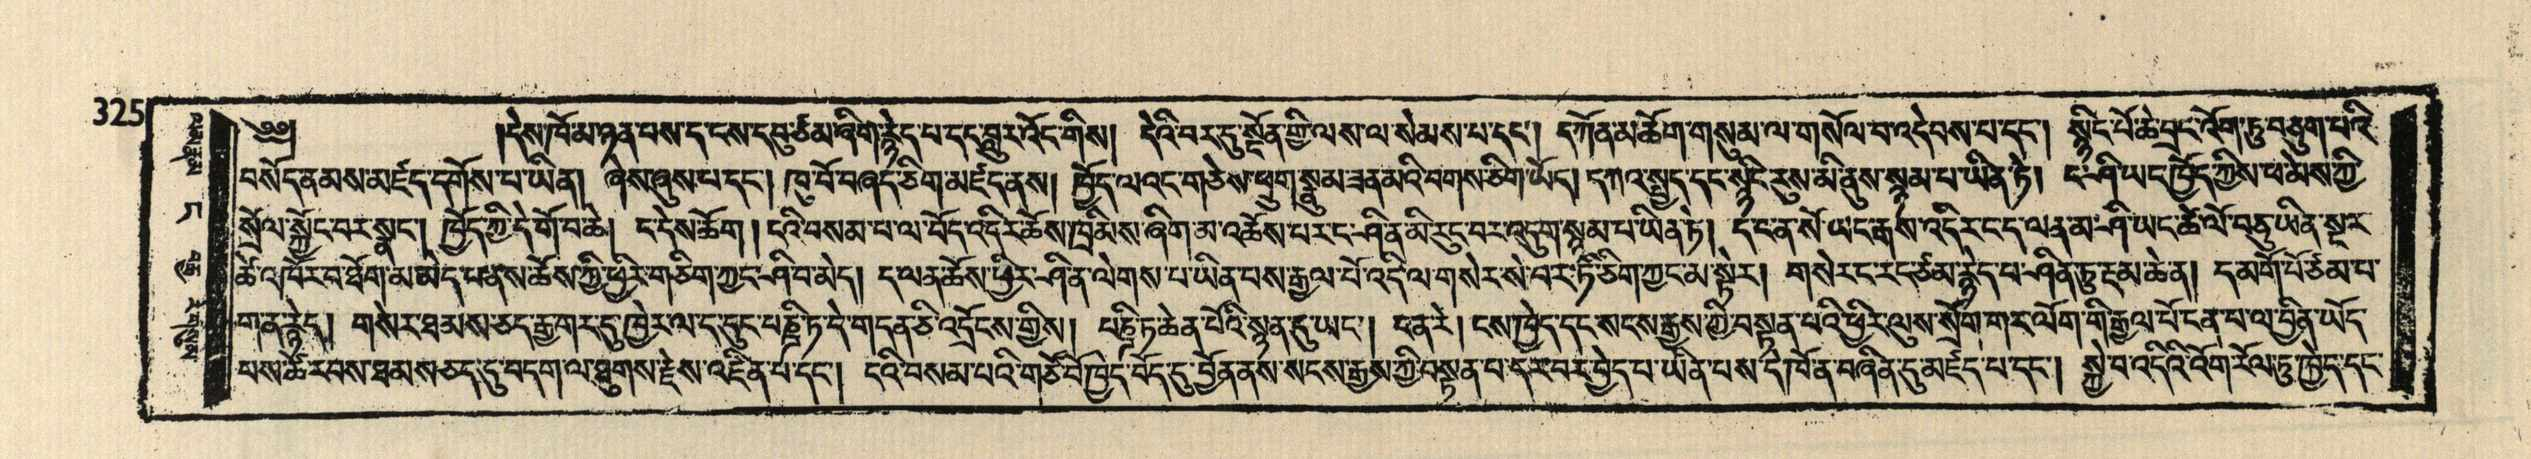༄༅། །དེས་ཁོ་མ་ཉན་པས་ད་ངས་དབུ་ཙམ་ཞིག་རྙེད་པ་དང་བླུར་འོང་གིས། དེའི་བར་དུ་སྔོན་གྱི་ལས་ལ་སེམས་པ་དང་། དཀོན་མཆོག་གསུམ་ལ་གསོལ་བ་འདེབས་པ་དང་། སྙིང་པོ་ཆེ་བྲང་འོག་ཏུ་བཅུག་པའི་
བསོད་ནམས་མཛད་དགོས་པ་ཡིན། ཞེས་ཞུས་པ་དང་། ཁུ་བོ་བཞད་ཅིག་མཛད་ནས། ཁྱོད་ལའང་གཅེས་ཕྲུག་སྣུམ་ཟན་མའི་བགས་ཅིག་ཡོད། དཀའ་སྤྱད་དང་སྙིང་རུས་མི་ནུས་སྙམ་པ་ཡིན་ཏེ། ང་ཤི་ཡང་ཁྱོད་ཀྱིས་ཕ་མེས་ཀྱི་
སྲོལ་སྐྱོང་བར་སྣང་། ཁྱོད་ཀྱི་དེ་གོ་བ་ཆེ། ང་དེས་ཆོག །ངའི་བསམ་པ་ལ་བོད་འདིར་ཆོས་ཁྲིམས་ཞིག་མ་འཆོས་པར་ང་ཤི་ན་མི་རུང་བར་འདུག་སྙམ་པ་ཡིན་ཏེ། ད་ང་ན་སོ་ཡང་རྒས་འདིར་ང་ད་ལན་མ་ཤི་ཡང་ཚེ་ལོ་བཅུ་ཡིན་སྔར་
ཚེ་འཁོར་བ་ཐོག་མ་མེད་པ་ནས་ཆོས་ཀྱི་ཕྱིར་གཅིག་ཀྱང་ཤི་བ་མེད། ད་ལན་ཆོས་ཕྱིར་ཤི་ན་ལེགས་པ་ཡིན་པས་རྒྱལ་པོ་འདི་ལ་གསེར་སེ་བར་ཏི་ཅིག་ཀྱང་མ་སྟེར། གསེར་ང་རད་ཙམ་རྙེད་པ་ཤིན་ཏུ་རྔམ་ཆེ་ན། ད་མགོ་པོ་ཙམ་པ་
ག་ན་རྙེད། གསེར་ཐམས་ཅད་རྒྱ་གར་དུ་ཁྱེར་ལ་ད་དུང་པཎྜི་ཏ་དེ་གདན་ཅི་འདྲོངས་གྱིས། པཎྜི་ཏ་ཆེན་པོའི་སྙན་དུ་ཡང་། ངན་རེ། ངས་ཁྱེད་དང་སངས་རྒྱས་ཀྱི་བསྟན་པའི་ཕྱིར་ལུས་སྲོག་གར་ལོག་གི་རྒྱལ་པོ་ངན་པ་ལ་བྱིན་ཡོད་
པས་ཚེ་རབས་ཐམས་ཅད་དུ་བདག་ལ་ཐུགས་རྗེས་འཛིན་པ་དང་། ངའི་བསམ་པའི་གཙོ་བོ་ཁྱེད་བོད་དུ་བྱོན་ནས་སངས་རྒྱས་ཀྱི་བསྟན་པ་དར་བར་བྱེད་པ་ཡིན་པས་དེ་ཁོ་ན་བཞིན་དུ་མཛད་པ་དང་། སྐྱེ་བ་འདིའི་འོག་རོལ་ཏུ་ཁྱེད་དང་